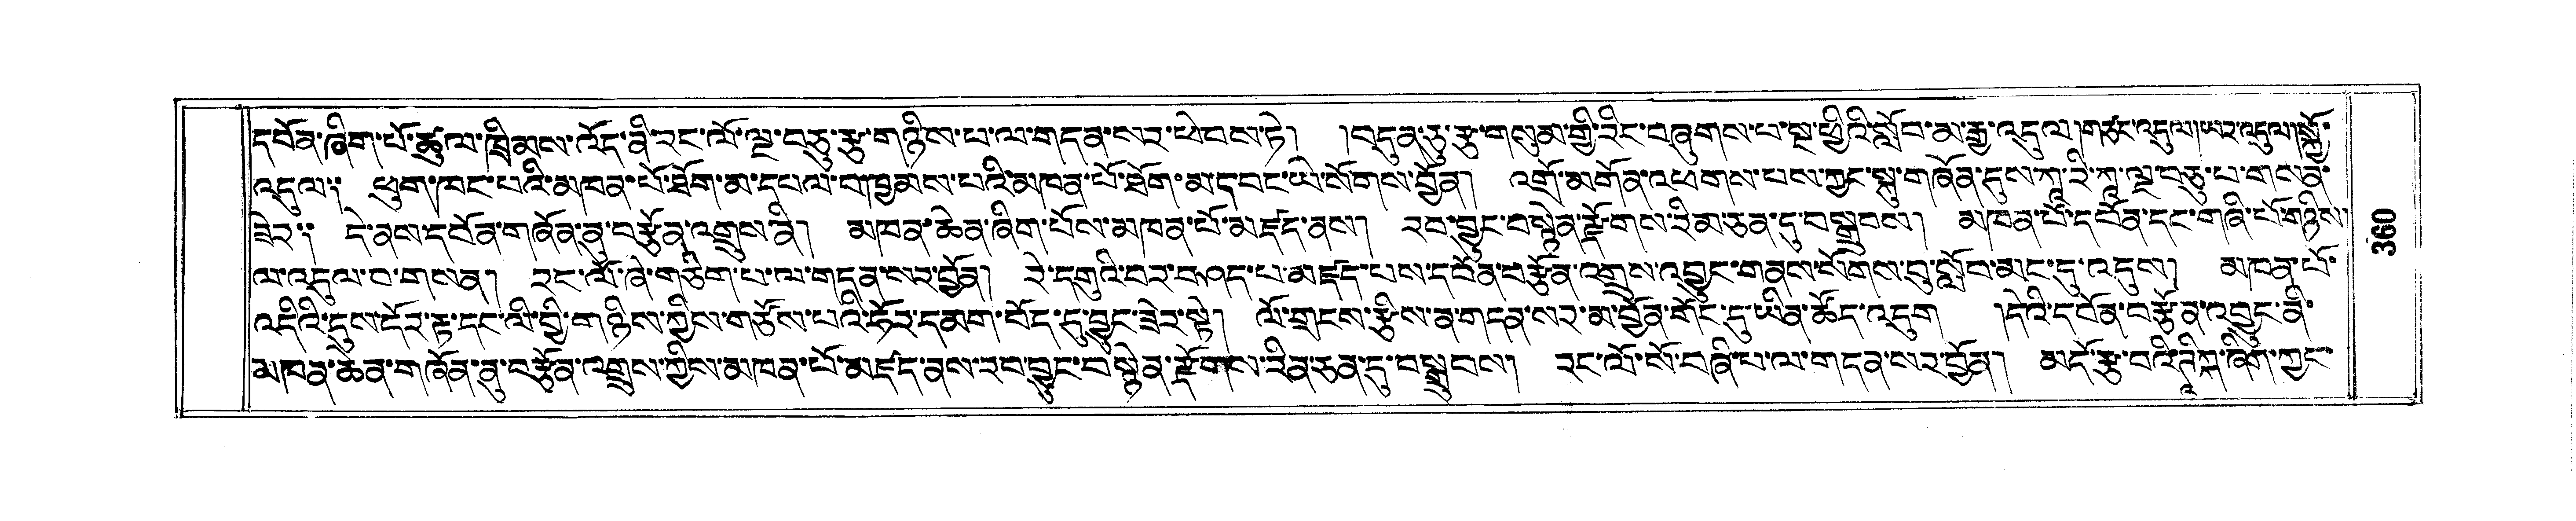དབོན་ཞིག་པོ་ཚུལ་ཁྲིམས་འོད་ནི་རང་ལོ་ལྔ་བཅུ་རྩ་གཉིས་པ་ལ་གདན་སར་ཕེབས་ཏེ། །བདུན་ཅུ་རྩ་གསུམ་གྱི་རིང་བཞུགས་པ་སྔ་ཕྱིའི་སློབ་མ་རྒྱ་འདུལ་།གཙང་འདུལ། ཡར་འདུལ། སྐྱོ་
འདུལ༑ ཕུག་ཁང་པའི་མཁན་པོ་ཐོག་མ་དཔལ་བ་ཁྱམས་པའི་མཁན་པོ་ཐོག་མ་དབང་ཡེ་སོགས་བྱོན། འགྲོ་མགོན་འཕགས་པས་ཀྱང་སྐུ་གཞོན་དུས་ཀཱ་རི་ཀཱ་ལྔ་བཅུ་པ་གསན་
ཟེར༑ དེ་ནས་དབོན་གཞོན་ནུ་བརྩོན་འགྲུས་ནི། མཁན་ཆེན་ཞིག་པོས་མཁན་པོ་མཛད་ནས། རབ་བྱུང་བསྙེན་རྫོགས་རིམ་ཅན་དུ་བསྒྲུབས། མཁན་པོ་དབོན་དང་གཞི་པོ་གཉིས་
ལ་འདུལ་བ་གསན། རང་ལོ་ཞེ་གཅིག་པ་ལ་གདན་སར་བྱོན། རེ་དགུའི་བར་བཤད་པ་མཛད་པས་དབོན་བརྩོན་འགྲུས་འབྱུང་གནས་སོགས་བུ་སློབ་མང་དུ་འདུས། མཁན་པོ་
འདིའི་དུས་དོར་རྟ་དང་ལི་བྱི་གཉིས་ཀྱིས་གཙོས་པའི་ཧོར་དམག་བོད་དུ་བྱུང་ཟེར་སྟེ། ལོ་གྲངས་རྩིས་ན་གདན་སར་མ་བྱོན་གོང་དུ་ཡིན་ཚོད་འདུག །དེའི་དབོན་བརྩོན་འབྱུང་ནི་
མཁན་ཆེན་གཞོན་ནུ་བརྩོན་འགྲུས་ཀྱིས་མཁན་པོ་མཛད་ནས་རབ་བྱུང་བསྙེན་རྫོགས་རིན་ཅན་དུ་བསྒྲུབས། རང་ལོ་སོ་བཞི་པ་ལ་གདན་སར་བྱོན། མདོ་རྩ་བའི་ཊཱིཀྐ་ཞིག་ཀྱང་